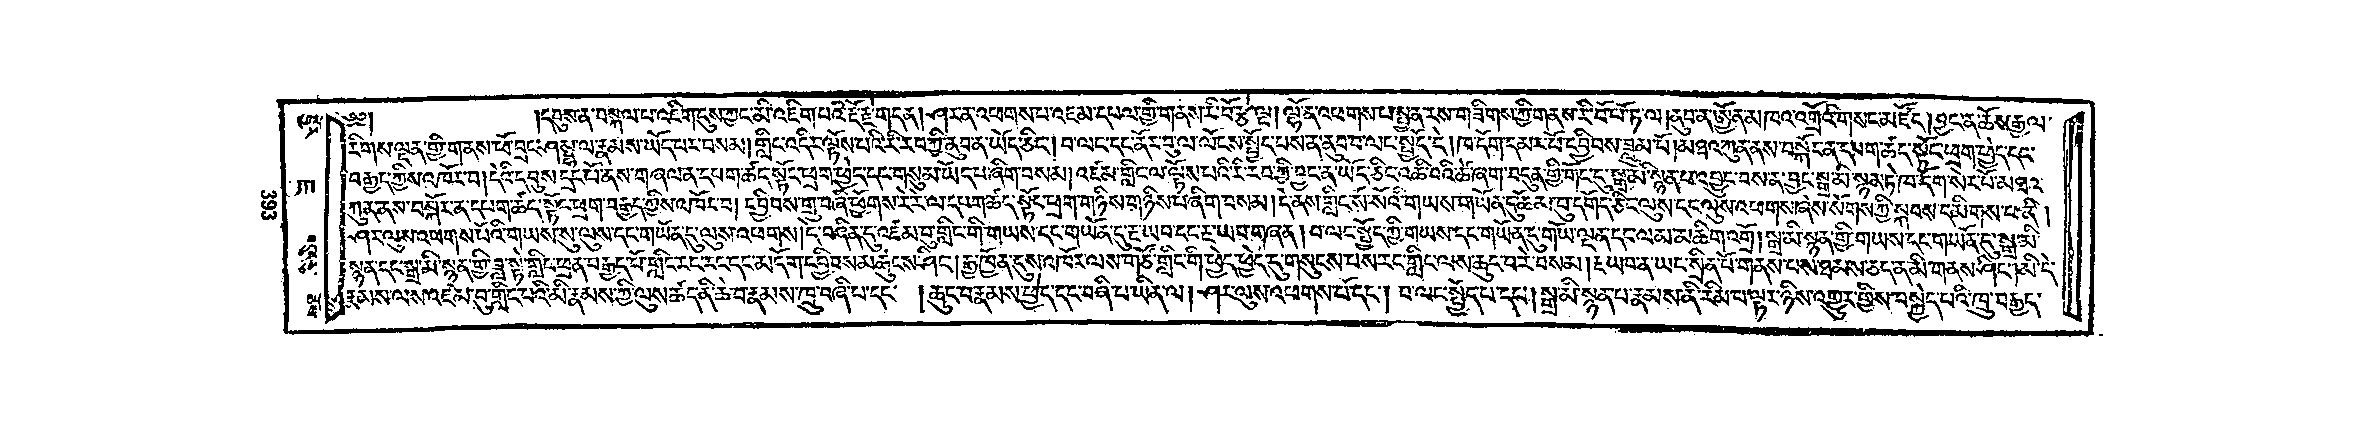༄༅། །དབུས་ན་བསྐལ་པ་འཇིགས་དུས་ཀྱང་མི་འཇིག་པའི་རྡོ་རྗེ་གདན། ཤར་ན་འཕགས་པ་འཇམ་དཔལ་གྱི་གནས་རི་བོ་རྩེ་ལྔ། ལྷོ་ན་འཕགས་པ་སྤྱན་རས་གཟིགས་ཀྱི་གནས་རི་བོ་པོ་ཏ་ལ། ནུབ་ན་ཨོ་རྒྱན་མཁའ་འགྲོའི་གསང་མཛོད། བྱང་ན་ཆོས་རྒྱལ་
རིགས་ལྡན་གྱི་གནས་ཕོ་བྲང་ཤམྦྷ་ལ་རྣམས་ཡོད་པར་བསམ། གླིང་འདིར་ལྟོས་པའི་རི་རབ་ཀྱི་ནུབ་ན་ཡོད་ཅིང་། བ་ལང་དང་ནོར་བུ་ལ་ལོངས་སྤྱོད་པས་ན་ནུབ་བ་ལང་སྤྱོད་དེ། ཁ་དོག་དམར་པོ་དབྱིབས་ཟླུམ་པོ། མཐའ་ཀུན་ནས་བསྐོར་ན་དཔག་ཚད་སྟོང་ཕྲག་ཕྱེད་དང་
བརྒྱད་ཀྱིས་འཁོར་བ། དེའི་དབུས་དྲང་པོ་ནས་གཞལ་ན་དཔག་ཚད་སྟོང་ཕྲག་ཕྱེད་དང་གསུམ་ཡོད་པ་ཞིག་བསམ། འཛམ་གླིང་ལ་ལྟོས་པའི་རི་རབ་ཀྱི་བྱང་ན་ཡོད་ཅིང་འཆི་བའི་ཚེ་ཞག་བདུན་གྱི་གོང་དུ་སྒྲ་མི་སྙན་པ་འབྱུང་བས་ན་བྱང་སྒྲ་མི་སྙན་ཏེ་ཁ་དོག་སེར་པོ་མཐའ་
ཀུན་ནས་བསྐོར་ན་དཔག་ཚད་སྟོང་ཕྲག་བརྒྱད་ཀྱིས་འཁོར་བ། དབྱིབས་གྲུ་བཞི་ཕྱོགས་རེ་རེ་ལ་དཔག་ཚད་སྟོང་ཕྲག་གཉིས་གཉིས་པ་ཞིག་བསམ། དེ་ནས་གླིང་སོ་སོའི་གཡས་གཡོན་དུ་ཆོམ་བུ་དགོད་ཅིང་ལུས་དང་ལུས་འཕགས་ཞེས་སོགས་ཀྱི་སྐབས་དམིགས་པ་ནི།
ཤར་ལུས་འཕགས་པོའི་གཡས་སུ་ལུས་དང་གཡོན་དུ་ལུས་འཕགས། དེ་བཞིན་དུ་འཛམ་བུ་གླིང་གི་གཡས་དང་གཡོན་དུ་རྔ་ཡབ་དང་རྔ་ཡབ་གཞན། བ་ལང་སྤྱོད་ཀྱི་གཡས་དང་གཡོན་དུ་གཡོ་ལྡན་དང་ལམ་མཆིག་འགྲོ། སྒྲ་མི་སྙན་གྱི་གཡས་དང་གཡོན་དུ་སྒྲ་མི་
སྙན་དང་སྒྲ་མི་སྙན་གྱི་ཟླ་སྟེ་གླིང་ཕྲན་བརྒྱད་པོ་གླིང་རང་རང་དང་མདོག་དབྱིབས་མཚུངས་ཤིང་། རྒྱ་ཁྱོན་དུས་འཁོར་ལས་གཙོ་གླིང་གི་ཕྱེད་ཕྱེད་དུ་གསུངས་པས་རང་གླིང་ལས་ཆུང་བ་རེ་བསམ། རྔ་ཡབ་ན་ཡང་སྲིན་པོ་གནས་པས་ཐམས་ཅད་ན་མི་གནས་ཤིང་། མི་དེ་
རྣམས་ལས་འཛམ་བུ་གླིང་པའི་མི་རྣམས་ཀྱི་ལུས་ཚད་ནི་ཆེ་བ་རྣམས་ཁྲུ་བཞི་པ་དང་། ཆུང་བ་རྣམས་ཕྱེད་དང་བཞི་པ་ཡིན་ལ། ཤར་ལུས་འཕགས་པོ་དང་། བ་ལང་སྤྱོད་པ་དང་། སྒྲ་མི་སྙན་པ་རྣམས་ནི་རིམ་པ་ལྟར་ཉིས་འགྱུར་གྱིས་བསྐྱེད་པའི་ཁྲུ་བརྒྱད་